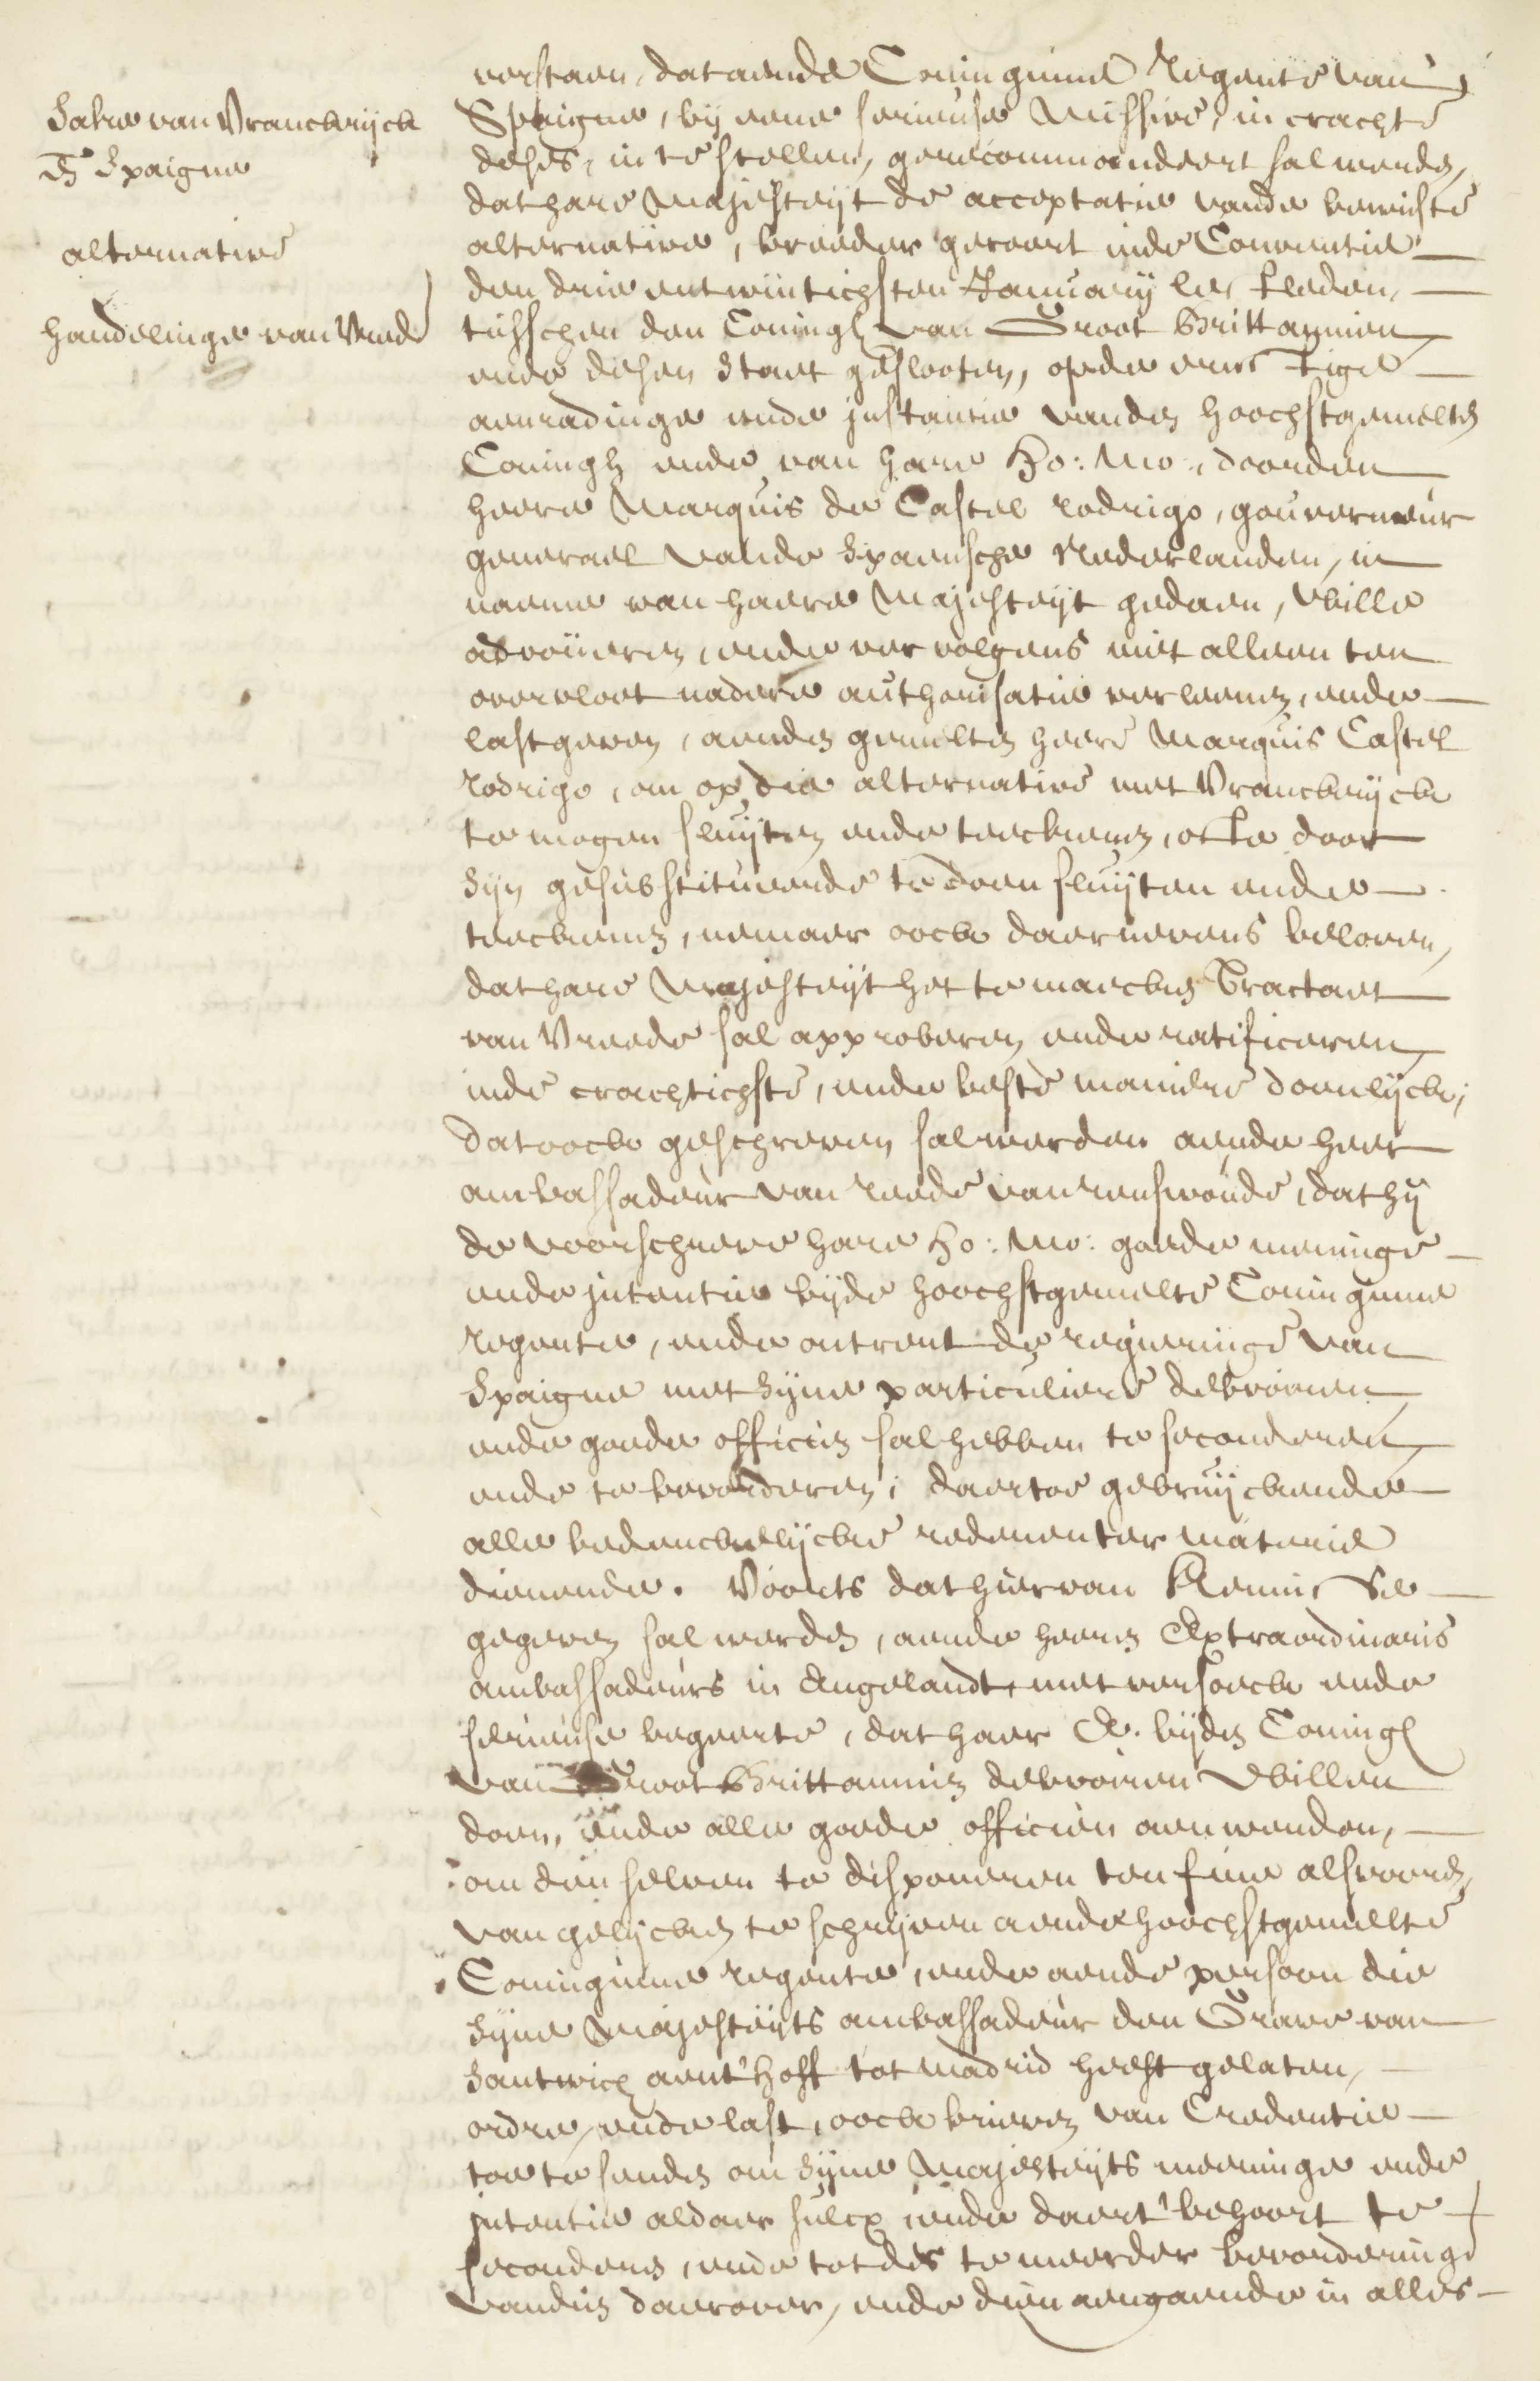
Sake van Vranckrijck
en Spaigne
alternative
handelinge van Vrede
verstaen, dat aende Coninginne Regente van
Spaigne, bij eene serieuse Missive, in crachte
deses, in te stellen, gerecommandeert sal werden,
dat hare Majesteijt de acceptatie vande bewuste
alternative, breeder geroert inde Conventie
den drie entwintichsten Januarij lestleden,
tusschen den Coningh van Groot Brittannien
ende desen Staet geslooten, opde ernstige
aenradinge ende instantie vanden hoochstgemelten
Coningh ende van hare Ho:Mo:, door den
heere Marquis de Castel Rodrigo, gouverneur
generael vande Spaensche Nederlanden, in
naeme van haere Majesteijt gedaen, wille
advoueren, ende vervolgens niet alleen ten
overvloet nadere authorisatie verleenen, ende
lastgeven, aenden gemelten heere Marquis Castel
Rodrigo, om op die alternative met Vranckrijck
te mogen sluijten ende teeckenen, ofte door
sijn gesubstitueerde te doen sluijten ende
teeckenen, nemaer oock daernevens beloven,
dat hare Majesteijt het te maecken Tractaet
van Vreede sal approberen ende ratificeren
inde crachtichste, ende beste maniere doenlijck,
dat oock geschreven sal werden aende heer
ambassadeur van Reede van Renswoude, dat hij
de voorschreve hare Ho:Mo: goede meninge
ende intentie bijde hoochstgemelte Coninginne
regente, ende ontrent de regieringe van
Spaigne met sijne particuliere debvoiren
ende goede officien sal hebben te seconderen
ende te bevorderen; daertoe gebruijckende
alle bedenckelijcke redenen ter materie
dienende. Voorts dat hier van Kennisse
gegeven sal werden, aende heeren Extraordinaris
ambassadeurs in Engelandt, met versoeck ende
serieuse begeerte, dat haer E. bijden Coningh
van Groot Brittannien debvoiren willen
doen, ende alle goede officien aenwenden,
om den selven te disponeren ten fine alsvoeren,
van gelijcken te schrijven aende hoochstgemelte
Coninginne regente, ende aende persoon die
sijne Majesteijts ambassadeur den Grave van
Santwich aent' hoff tot madrid heeft gelaten,
ordre, ende last, oock brieven van Credentie
toe te senden om sijne Majesteijts meeninge ende
intentie aldaer sulcx ende daert' behoort te
seconderen, ende tot des te meerder bevorderinge
vandien daerover, ende dien aengaende in alles
